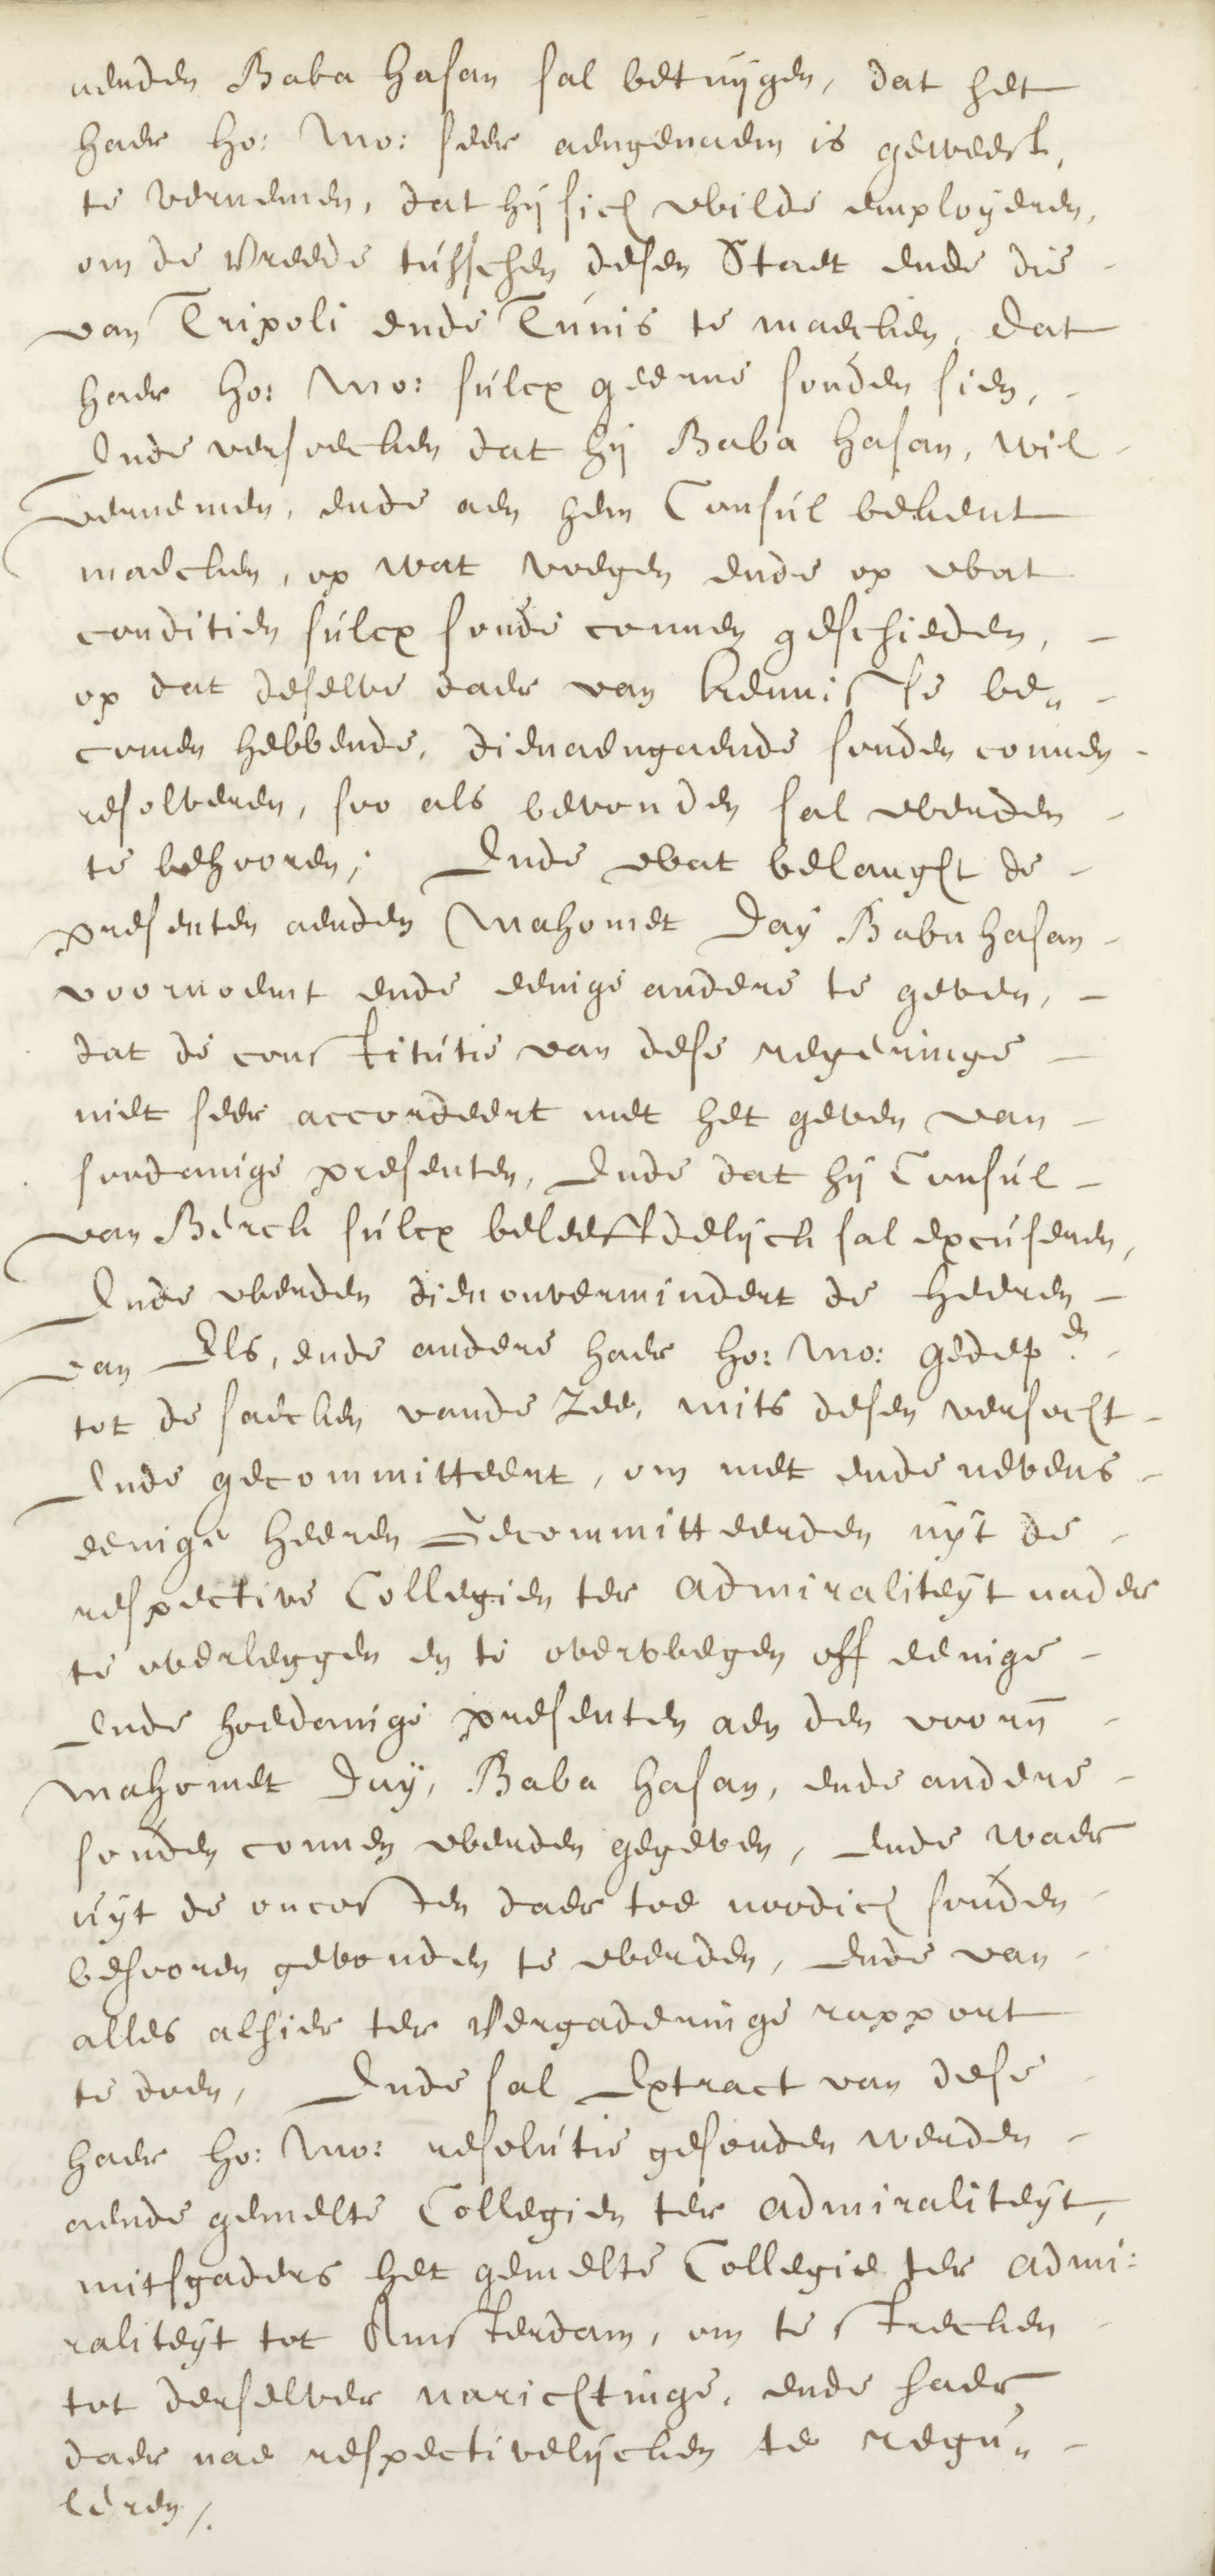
aenden Baba hasan sal betuijgen, dat het
haer ho:mo: seer aengenaem is geweest,
te vernemen, dat hij sich wilde emploijeren,
om de Vreede tusschen desen Staet ende die
van Tripoli ende Tunis te maecken, dat
haer ho:mo: sulcx geerne souden sien,
ende versoecken dat hij Baba hasan, wil
vernemen, ende aen hem Consul bekent
maecken, op wat voegen ende op wat
conditien sulcx soude connen geschieden
op dat deselve daer van kennisse be„
comen hebbende, dienaengaende souden connen
resolveren, soo als bevonden sal werden
te behooren; Ende wat belanght de
presenten aenden Mahomet Daij Baba hasan
voornoemt ende eenige andere te geven,
dat de constitutie van dese regeringe
niet seer accordeert met het geven van
soodanige presenten, Ende dat hij Consul
van Berck sulcx beleeffdelijck sal excuseren
ende werden dien onvermindert de heeren
van Els, ende andere haer ho:mo: gedepen.
tot de saecken vande zee, mits desen versocht
ende gecommitteert, om met ende nevens
eenige heeren Gecommitteerden uijt de
respective Collegien ter admiraliteijt nader
te overleggen en te overwegen off eenige
ende hoedanige presenten aen den voorn
Mahomet Daij Baba Hasan, ende andere
souden connen werden gegeven, ende waer
uijt de oncosten daer toe noodich souden
behooren gevonden te werden, ende van
alles alhier ter Vergaderinge rapport
te doen, Ende sal Extract van dese
haer ho:mo: resolutie gesonden werden
aende gemelte Collegien ter admiraliteijt,
mitsgaders het gemelte Collegie ter admi:
raliteijt tot Amsterdam, om te strecken
tot derselver narichtinge, ende haer
daer nae respectivelijcken te regu„
leren.
